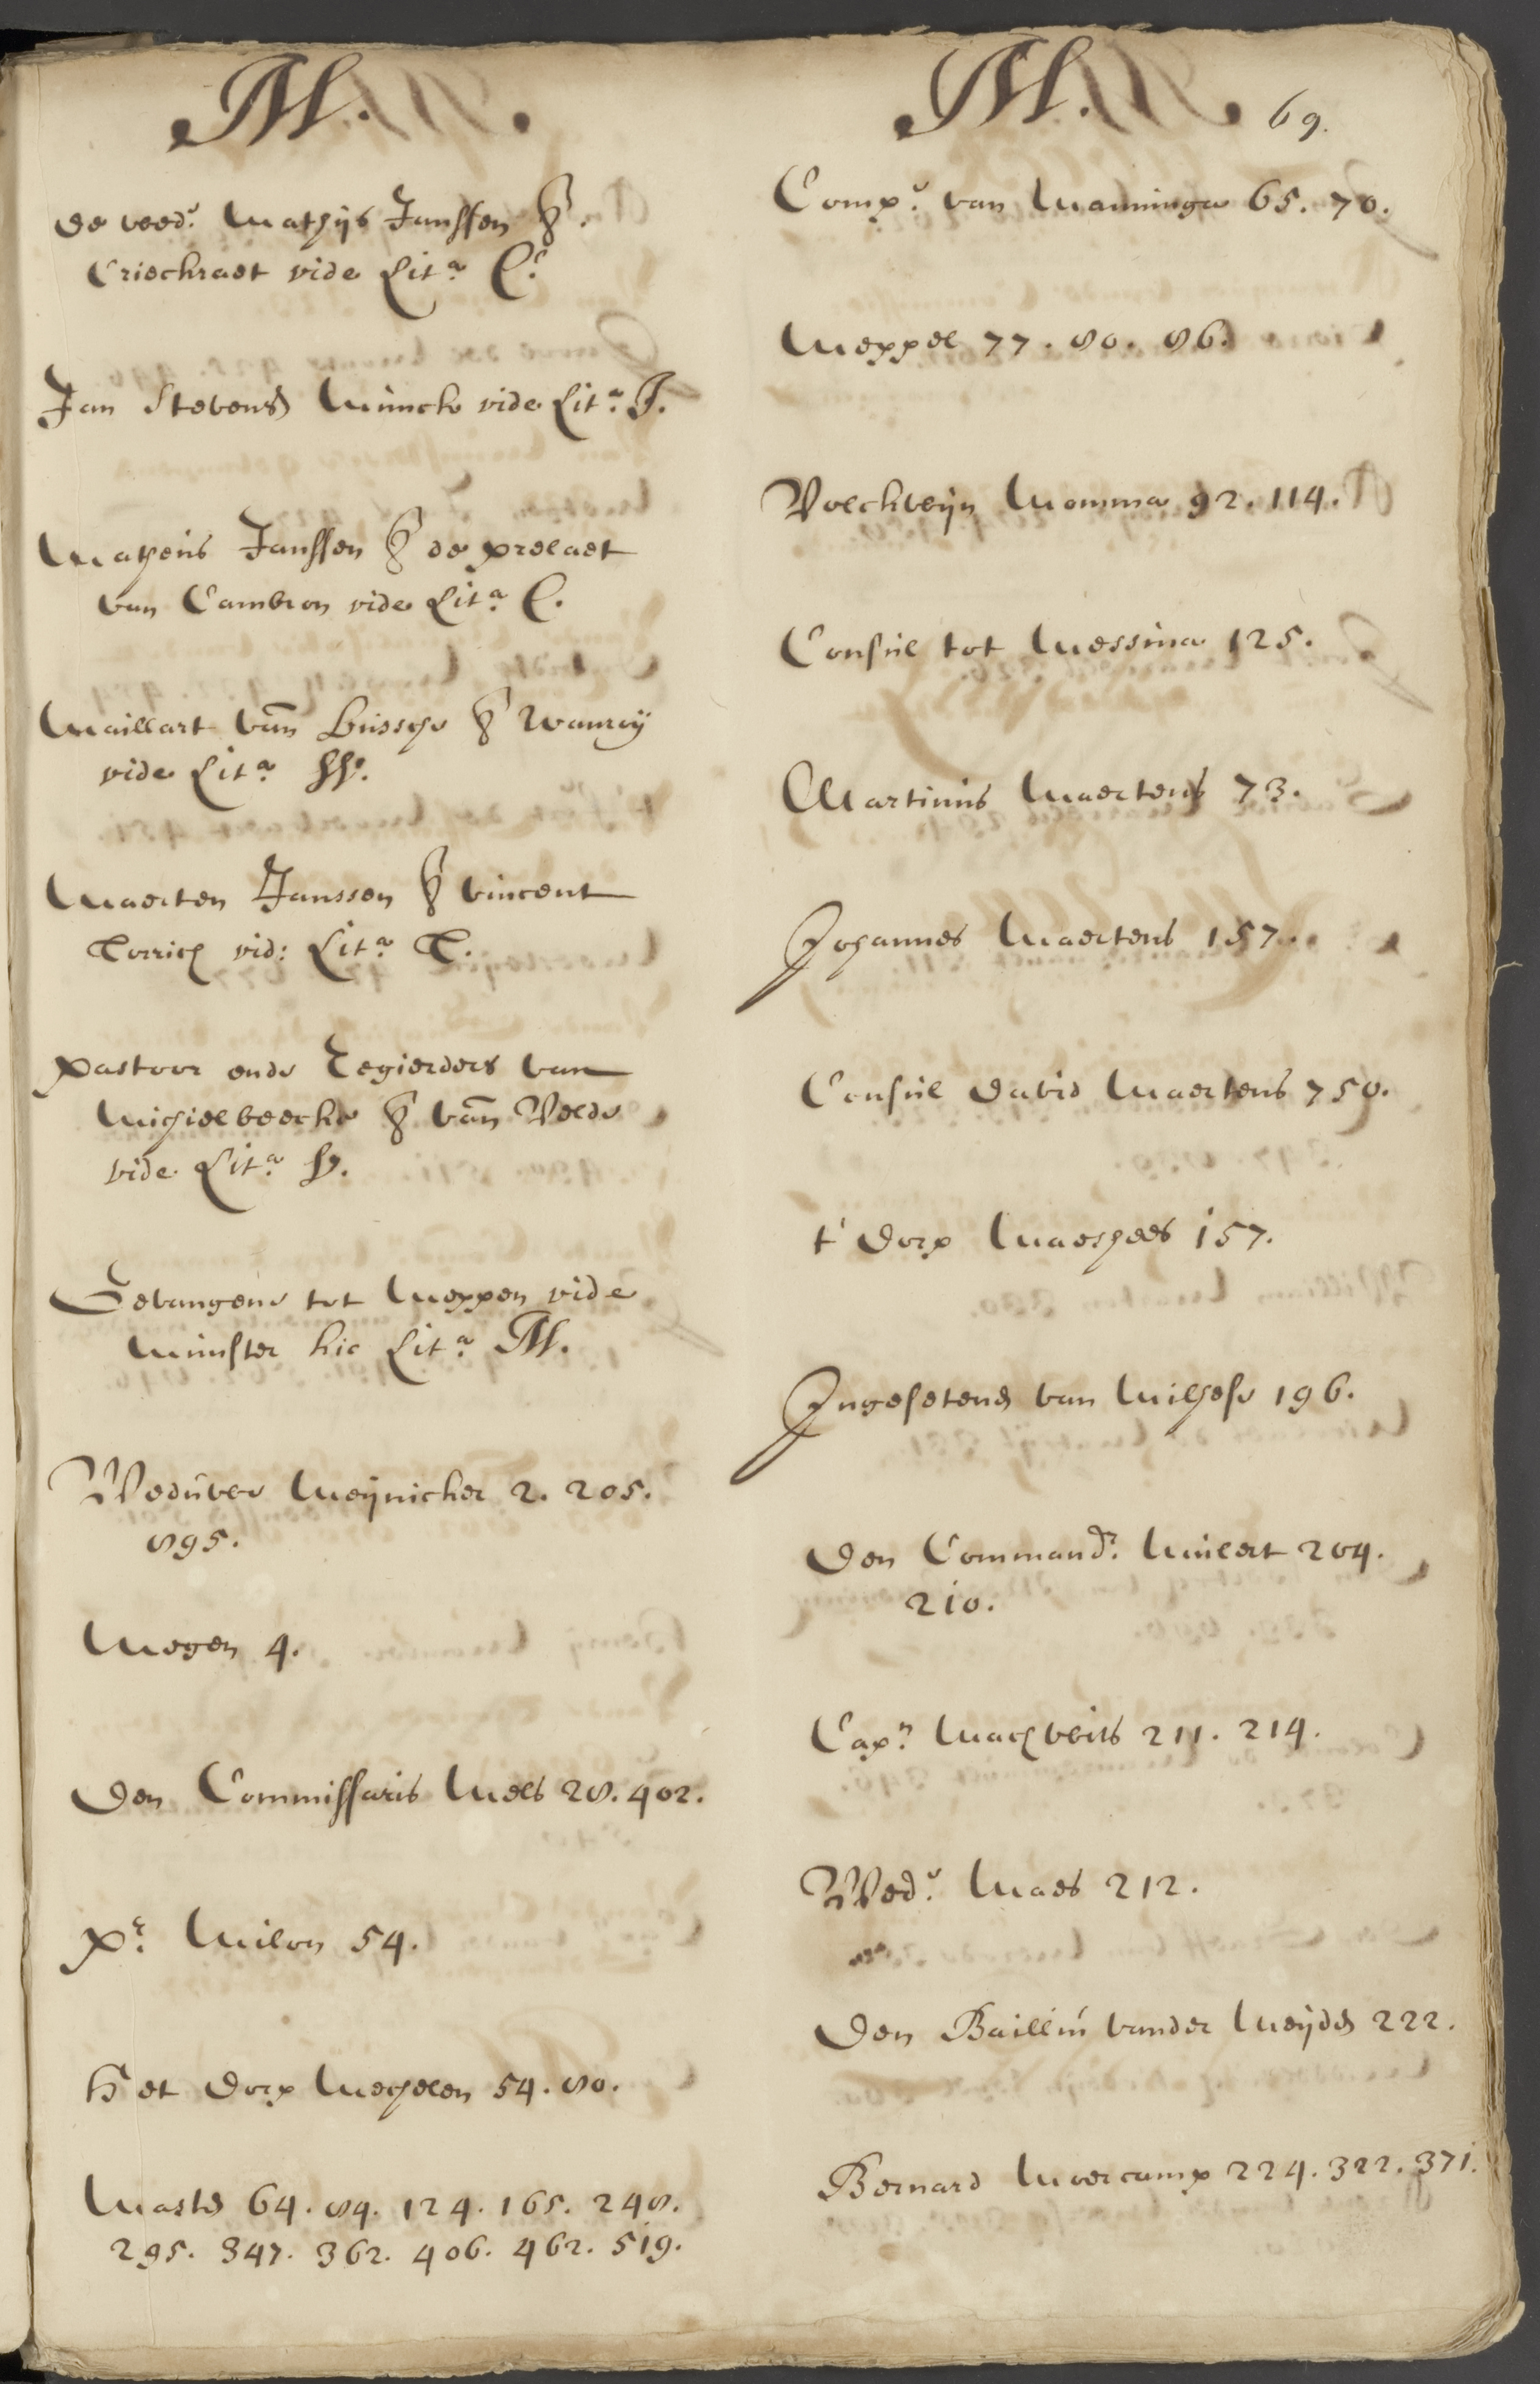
69.
M.
De wede. Mathijs Janssen &
Crieckraet vide Lita. C.
Jan Stevens Munck vide Lita. J.
Matheus Janssen & de prelaet
van Cambion vide Lita. C.
Maillart van Bussche & Wanroij
vide Lita. W.
Maerten Janssen & Vincent
Torrich vid: Lita. T.
Pastoor ende Regierders van
Michielbeecke & van Velde
vide Lita. V
Gevangene tot Meppen vide
Munster hic Lita. M.
Weduwe Meijnicker 2. 205.
895.
Megen 4.
Den Commissaris Mels 28. 402.
Pr. Milen 54.
het Dorp Mechelen 54. 80.
Masten 64. 84. 124. 165. 248.
295. 347. 362. 406. 462. 519.
M.
Compe. van Manninge 65. 70.
Meppel 77. 80. 86.
Volckwijn Momma 92. 114.
Consul tot Messina 125.
Martinus Maertens 73.
Johannes Maertens 157.
Consul Davis Maertens 759.
t' Dorp Maeshees 157.
Ingesetenen van Milhese 196.
Den Commandr. Mulert 204.
210.
Capn. Machwits 211. 214.
Wede. Maes 212.
Den Bailliu vander Meijden 222.
Bernard Moercamp 224. 322. 371.
